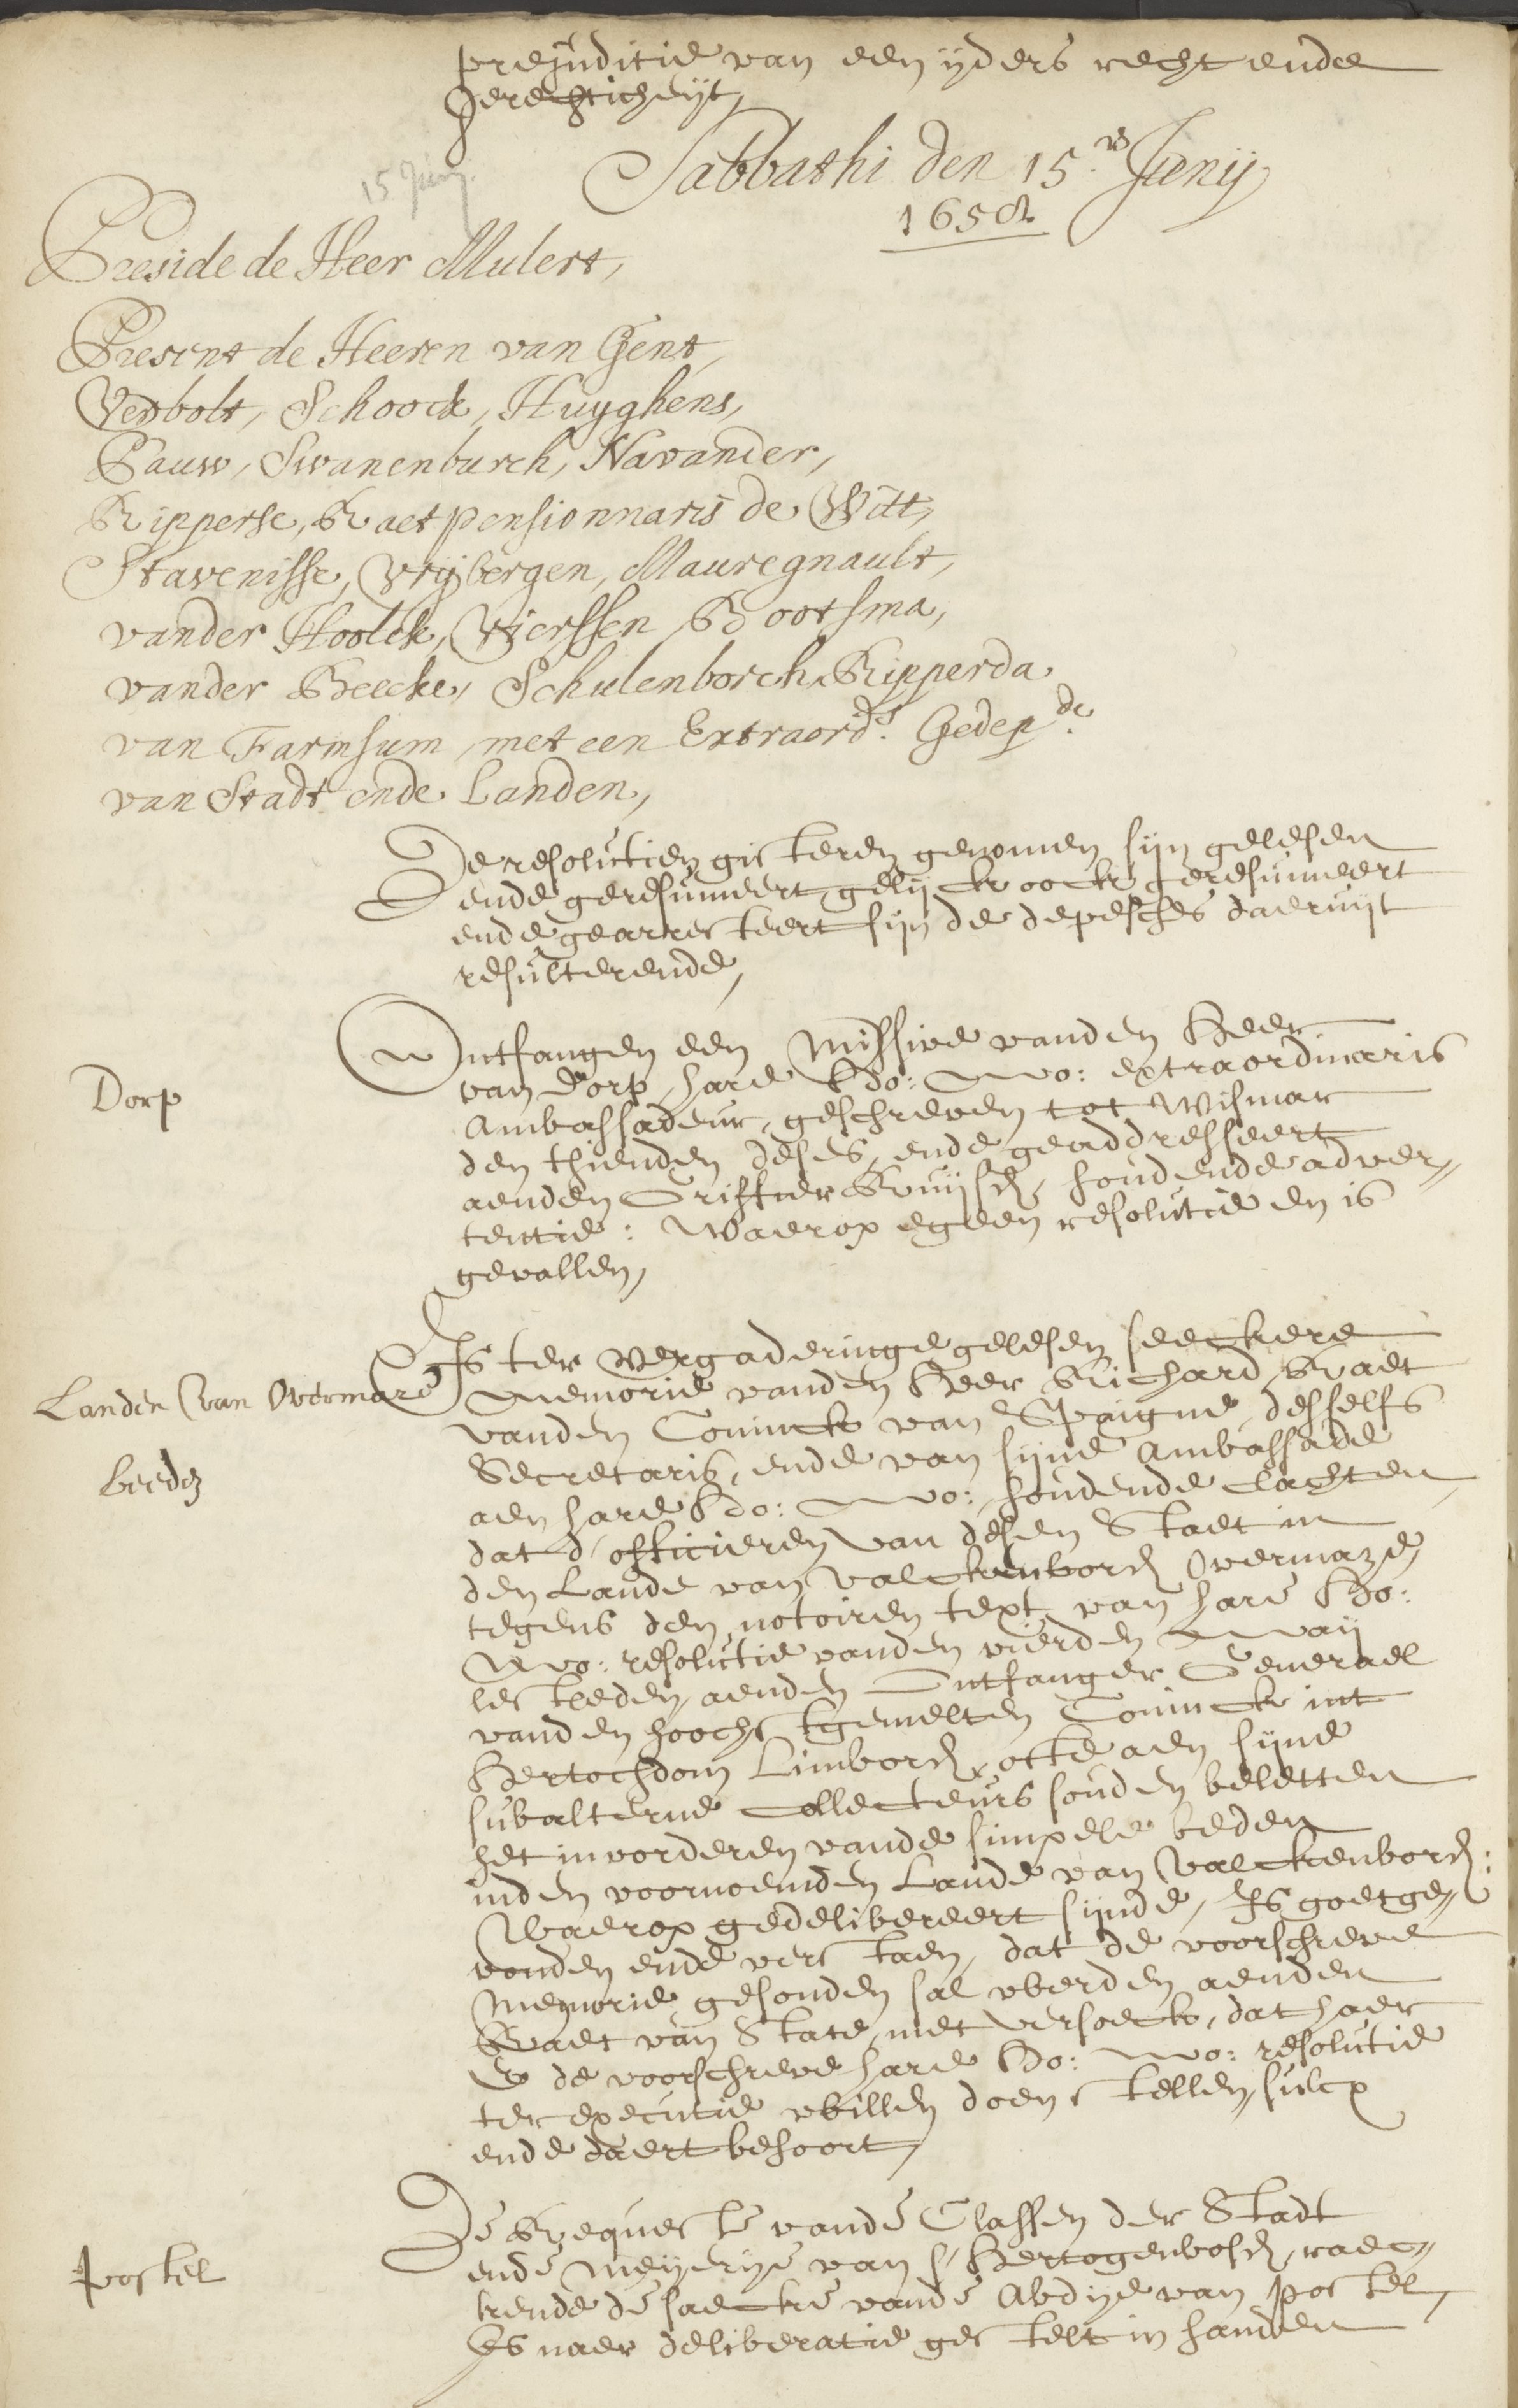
prejuditie van een ijders recht ende
gerechticheijt.
Sabbathi den 15.en Junij
1658
Preside de Heer Mulert,
Present de Heeren van Gent,
Verbolt, Schoock, Huyghens,
Gauss, Swanenburch, Navander,
Ripperse, Raetpensionnaris de Witt,
Stavenisse, Vrijbergen, Mauregnault,
vander Hoolck, Vierssen, Bootsma,
vander Beecken, Schulenborch, Ripperda,
van Farmsum, met een Extraords. Gedepde.
van Stadt ende Landen.
De resolutien gisteren genomen sijn gelesen
ende geresumeert gelijck oock geresumeert
ende gearresteert sijn de depesches daeruijt
resulterende.
Dorp
Ontfangen een missive vanden Heer
van Dorp, hare Ho:Mo: extraordinaris
Ambassadeur, geschreven tot Wismar
den thienden deses, ende geaddresseert
aenden Griffier Ruijsch houdende adver„
tentie : Waerop egeen resolutie en is
gevallen.
Landen van Overmaze
beeden
Is ter Vergaderinge gelesen seeckere
memorie vanden Heer Richard Raet
vanden Coninck van Spaigne, desselfs
Secretaris, ende van sijne Ambassade
aen hare Ho:Mo: houdende clachten
dat d'officieren van desen Staet in
den Lande van Valckenborch Overmaze,
tegens den notoiren text van hare Ho:
Mo: resolutie vanden vierden Maij
lestleeden aenden Ontfanger Generael
vanden Hoochstgemelten Coninck int
Hertochdom Limborch ofte aen sijne
subalterne Collecteurs souden beletten
het invorderen vande simpele beden
inden voornoemden Lande van Valckenborch:
Waerop gedelibereert sijnde, Is goetge„
vonden ende verstaen, dat de voorschreve
memorie gesonden sal worden aenden
Raet van State, met versoeck, dat haer
E de voorschreve hare Ho: Mo: resolutie
ter executie willen doen stellen, sulcx
ende daert behoort.
postel
De Requeste vande Classen der Stadt
ende Meijerije van s'Hertogenbosch raec„
kende de saecke vande Abdije van Postel,
Is naer deliberatie gestelt in handen
